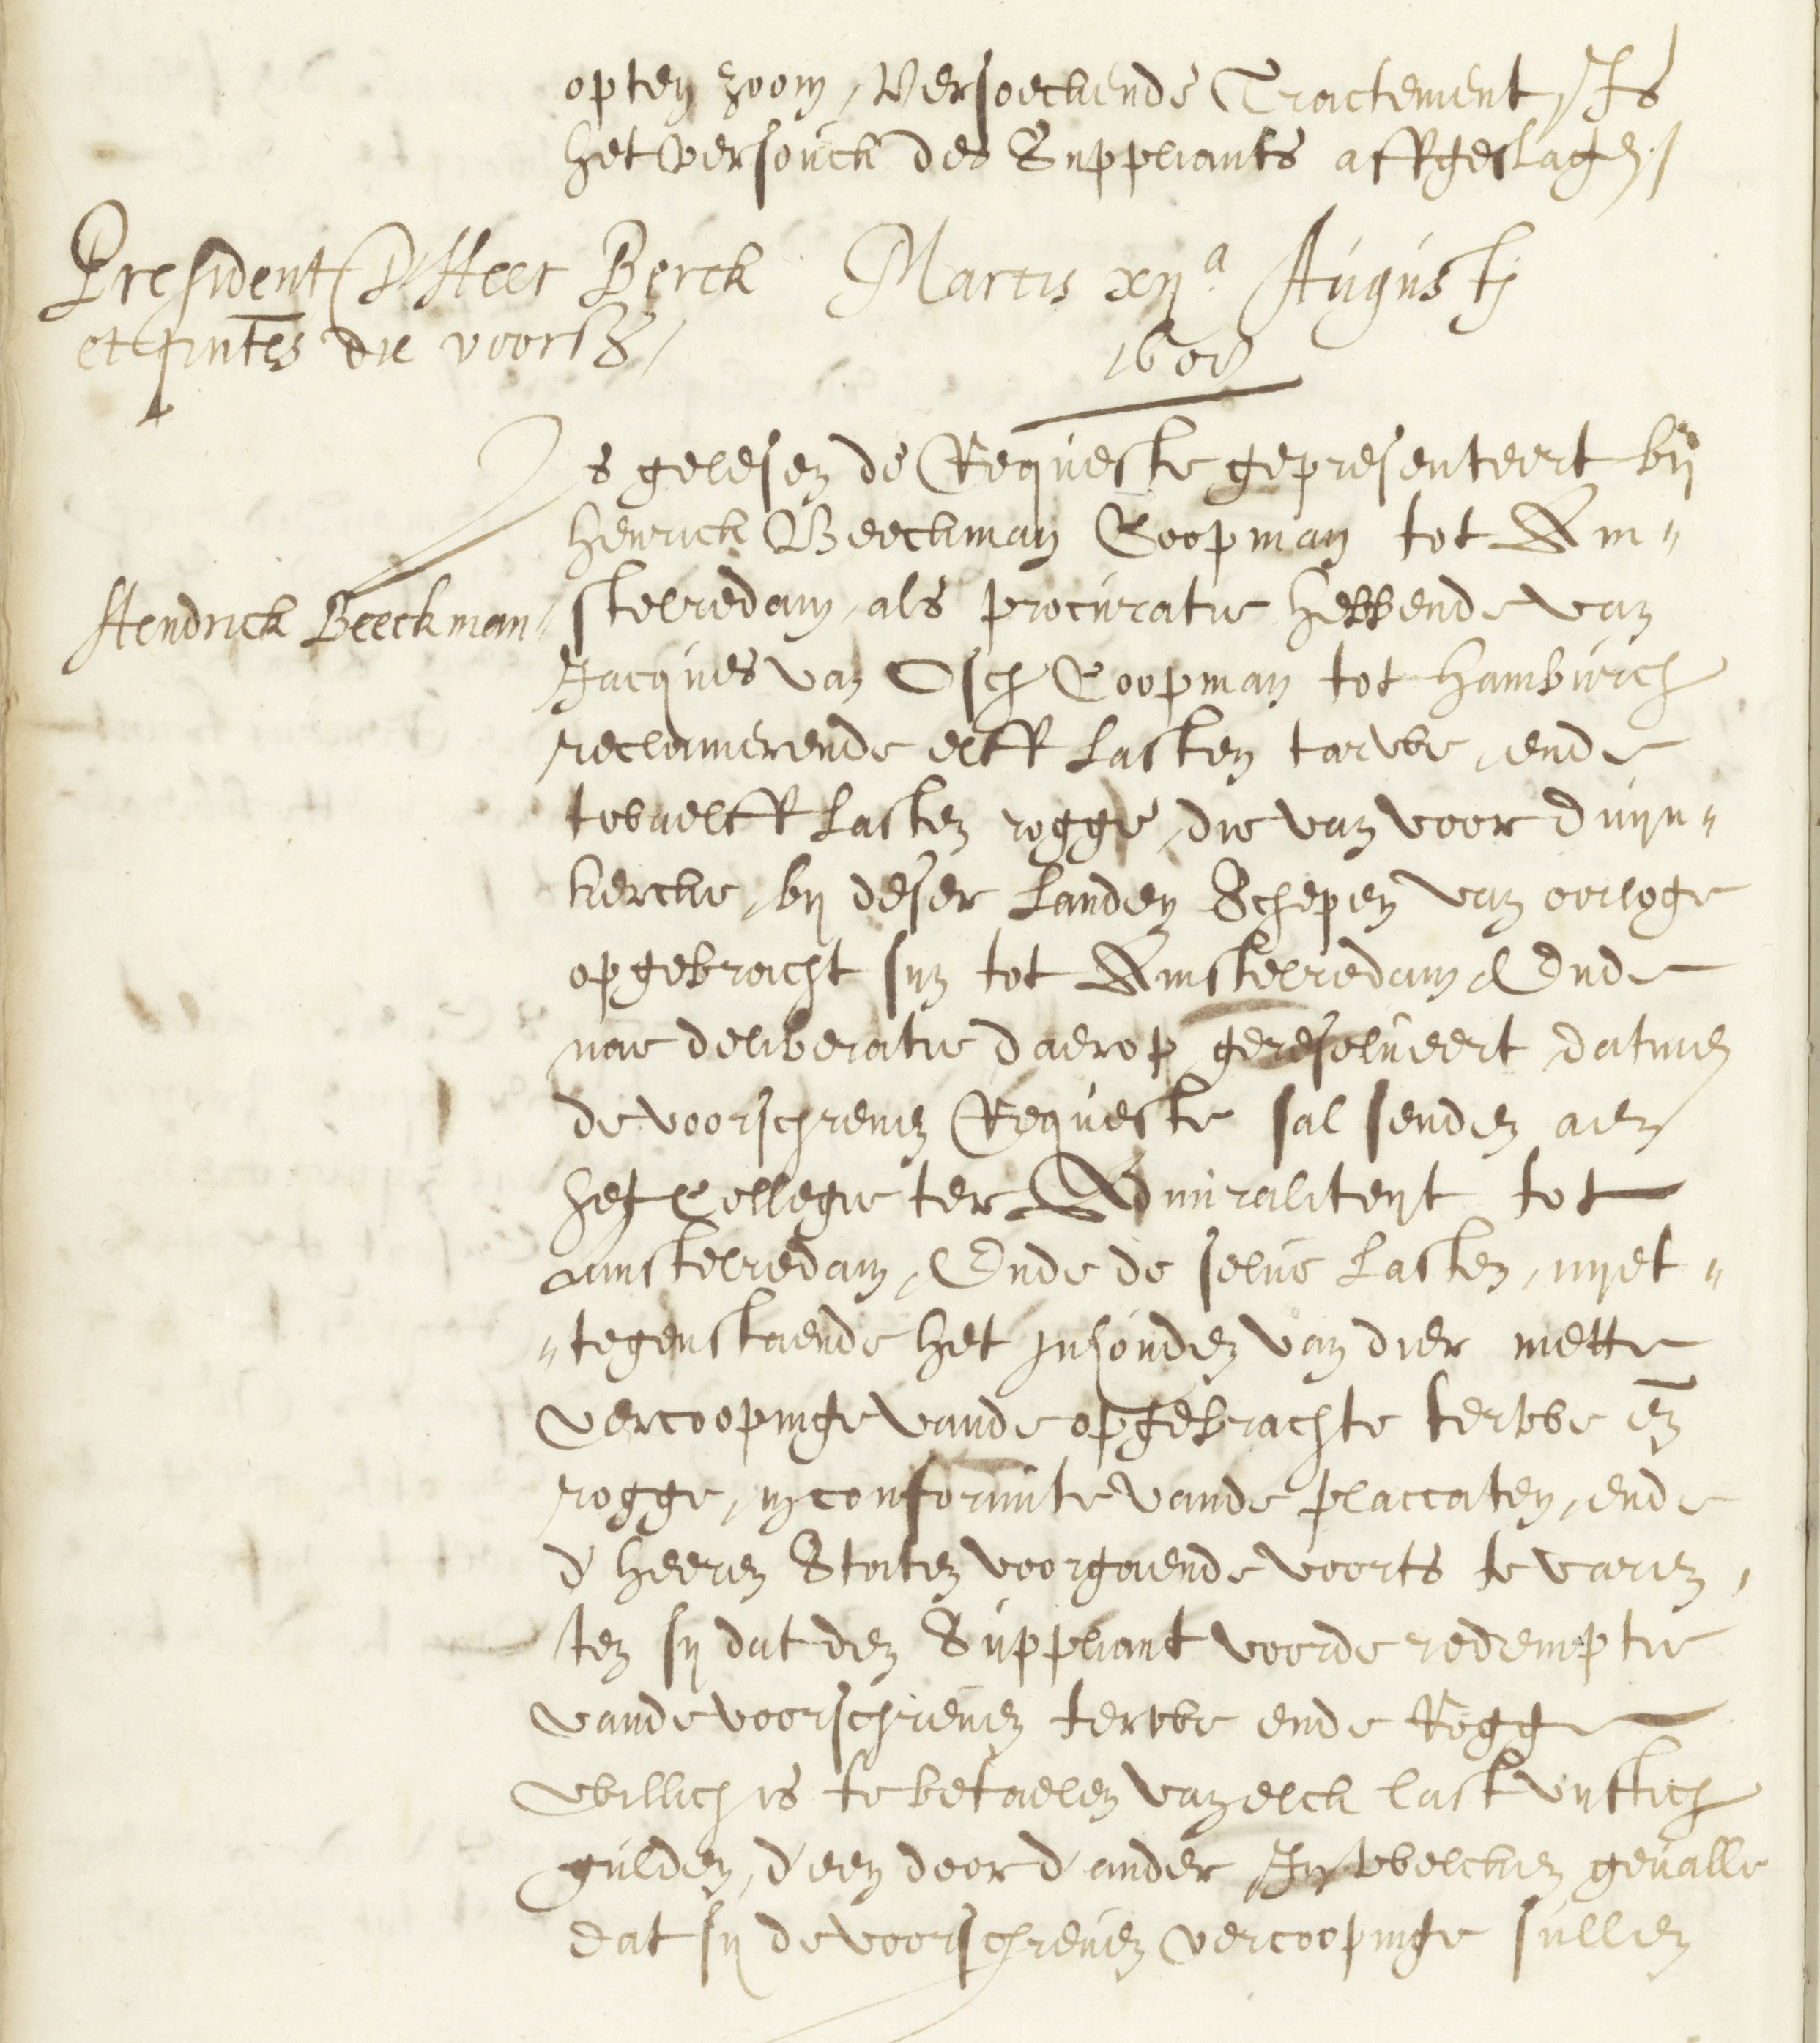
op ten zoom, versoeckende Tractement, Is
het versouck des Suppliants affgeslagen.
Martis xija. Augusti
1608
President D'Heer Berck
et pntes die voors
Hendrick Beeckman
Is gelesen de Requeste gepresenteert bij
henrick Beeckman Coopman tot Am,,
stelredam, als procuratie hebbende van
Jacques van Osch Coopman tot Hamburch
reclamerende elff lasten tarwe, ende
twaelff lasten rogge, die van voor duijn,,
kercke, bij deser landen Schepen van oorloge
opgebracht syn tot Amstelredam Ende
nae deliberatie daerop geresolueert, datmen
de voorschreuen Requeste sal senden aen
het collegie ter Admiraliteyt tot
amstelredam, Ende de selue lasten, nyet,,
,,tegenstaende het inhouden van dier mette
vercoopinge vande opgebrachte terwe en
rogge, in conformite vande placcaten, ende
d'heeren Staten voorgaende voorts te varen,
ten sy dat den Suppliant voorde redemptie
vande voorschreuen terwe ende Rogge
willich is te betaelen van elck last vyftich
gulden, d'een door d'ander, In welcken geualle
dat sy de voorschreuen vercoopinge sullen
